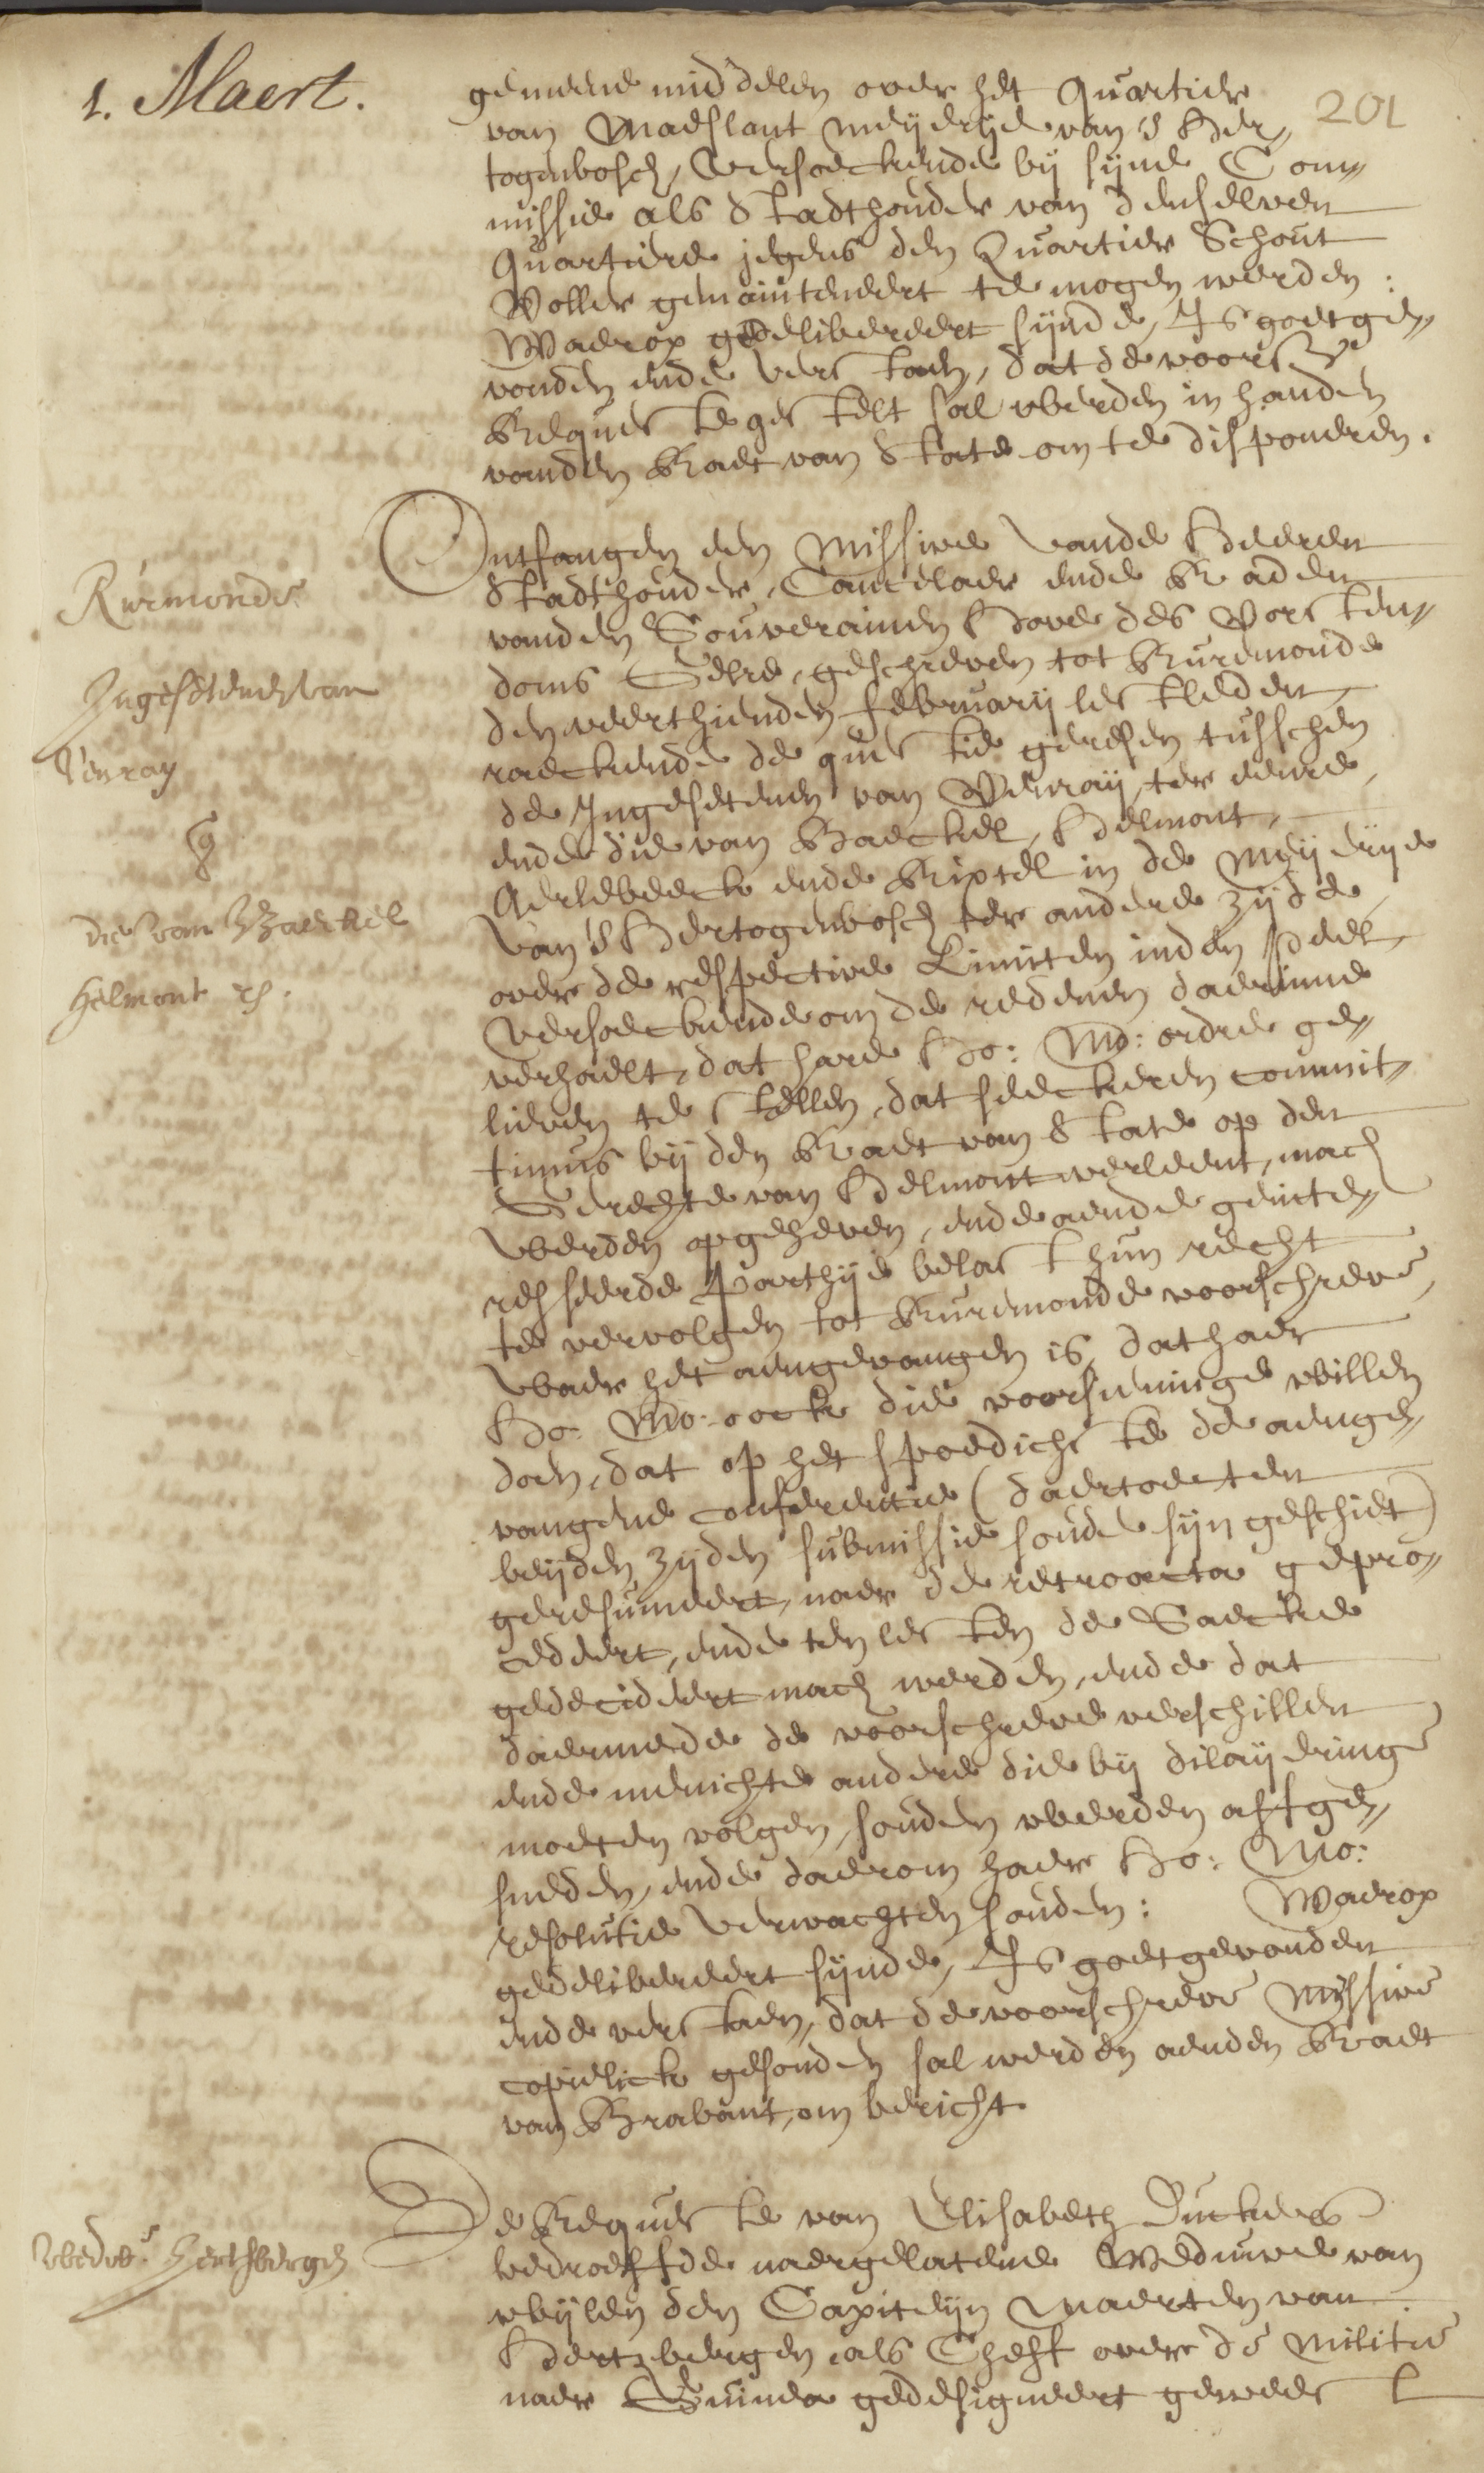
201
1. Maert.
gemeene middelen over het Quartier
van Maeslant meijerije van ‛s Her„
togenbosch, versoeckende bij sijne Com„
missie als Stadthouder van denselven
Quartiere jegens den Quartier Schout
Voller gemainteneert te mogen werden:
Waerop gedelibereert sijnde, Is goetge,,
vonden ende verstaen, dat de voors
Requeste gestelt sal werden in handen
vanden Raet van State, om te disponeren.
Rurmonde
Ingesetenen van
Venray
ca.
die van Baeckel
Helmont rs.
Ontfangen een Missive vande Heeren
Stadthouder, Cancelaer ende Raden
vanden Souverainen Hove des Vorsten„
doms Gelre, geschreven tot Ruremonde
den veerthienden februarij lestleden,
raeckende de questie geresen tusschen
de Ingesetenen van Venraij ter eenre
ende die van Baeckel, Helmont,
Aerlebeeck ende Rixtel in de meijerije
van ‛sHertogenbosch ter andere zijde
over de respective Limiten inden Peel,
versoeckende om de redenen daerinne
verhaelt, dat hare Ho:Mo: ordre ge„
lieven te stellen, dat seeckeren commit„
timus bij den Raet van State op den
Gerechte van Helmont verleent, mach,
werden opgeheven, ende aende geinte„
resseerde Parthije belast hun recht
te vervolgen tot Ruremonde voorschreve,
waer het aengevangen is dat haer
Ho:Mo: oock die voorsieninge willen
doen, dat op het spoedichste de aenge,,
vangene conferentie (daertoe ten
beijden zijden submissie soude sijn geschiet)
geresumeert, naer de retroacta gepro,,
cedeert, ende ten lesten de Saecke
gedecideert mach werden, ende dat
daermede de voorschreve verschillen
ende menichte andere die bij dilaijeringe
moeten volgen, souden werden affge,,
sneden, ende daerom haer Ho:Mo:
resolutie verwachten souden: Waerop
gedelibereert sijnde, Is goetgevonden
ende verstaen, dat de voorschreve Missive
copielick gesonden sal werden aenden Raet
van Brabant, om bericht
Wedwe, Hertsbergen
De Requeste van Elisabeth Duckers
bedroefffde naergelatene Weduwe van
wijlen den Capiteijn Maerten van
Hertsbergen als Cheff over de militie
naer Guinea gedesigneert geweest
